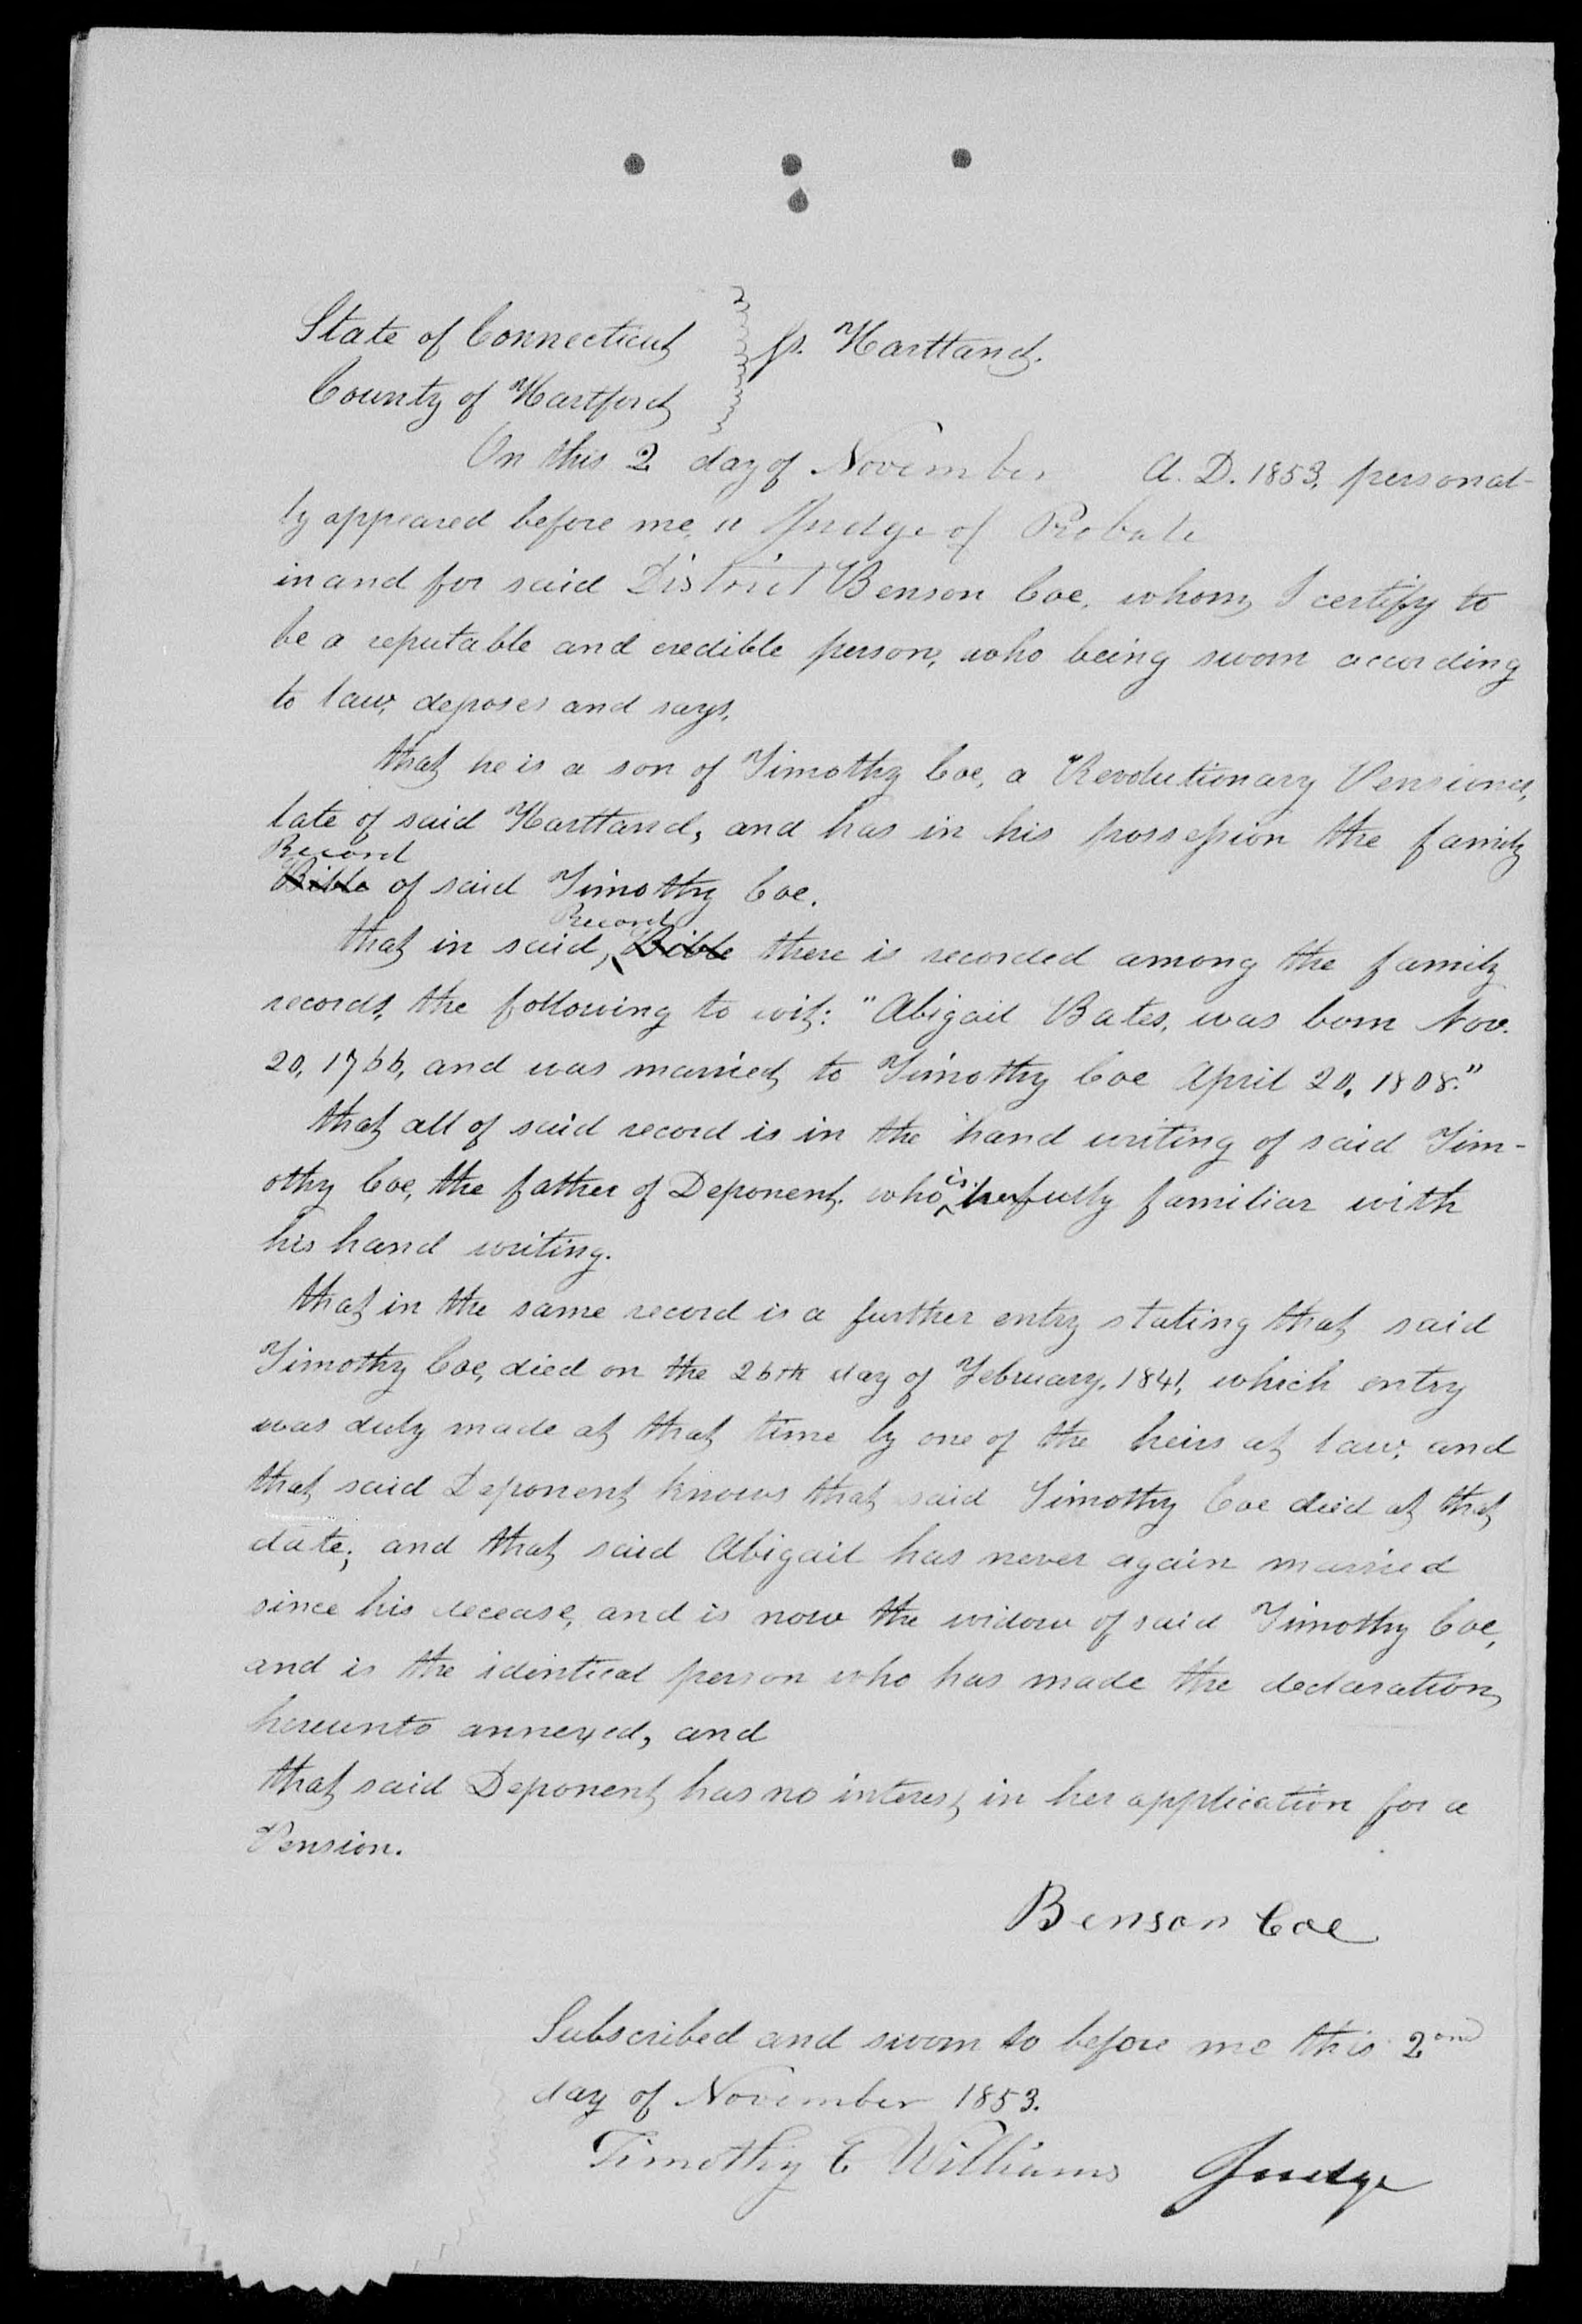State of Connecticut
County of Hartford
ss. Hartland
On this 2 day of November
A.D. 1853, personal-ly appeared before me a Judge of Probate
in and for said District Benson Coe, whom I certify to
be a reputable and credible person, who being sworn according to
law deposes and says,
that he is a son of Timothy Coe, a Revolutionary Pensioner,
late of said Hartland, and has in his possession the family
Record
of said Timothy Coe
that in said Bible there is recorded among the family
records, the following to wit: "Abigail Bates, was born Nov.
20, 1766, and was married to Timothy Coe April 20, 1808.
that all of said record is in the hand writing of said Tim-othy Coe, the father of Deponent. who is her fully familiar with
his hand writing
that in the same record is a further entry stating that said
Timothy Coe, died on the 26th day of February, 1841, which entry
was duly made at that time by one of the heirs at law and
that said Deponent knows that said Timothy Coe died at that
date, and that said Abigail has never again married
since his decease, and is now the widow of said Timothy Coe,
and is the identical person who has made the declaration
hereunto annexed, and
that said Deponent has no interest in her application for a
Pension
Benson Coe
Subscribed and sworn to before me this 2nd
day of November 1853
Timothy E. Williams
Judge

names: Benson Coe, Abigail Bates, Timothy E Williams, Timothy Coe, Timothy Coe, Timothy Coe, Timothy Coe, Timothy Coe, Timothy Coe, Timothy Coe, Benson Coe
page: 11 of 76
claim: widow's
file: W. 5,250, Timothy Coe, Conn.